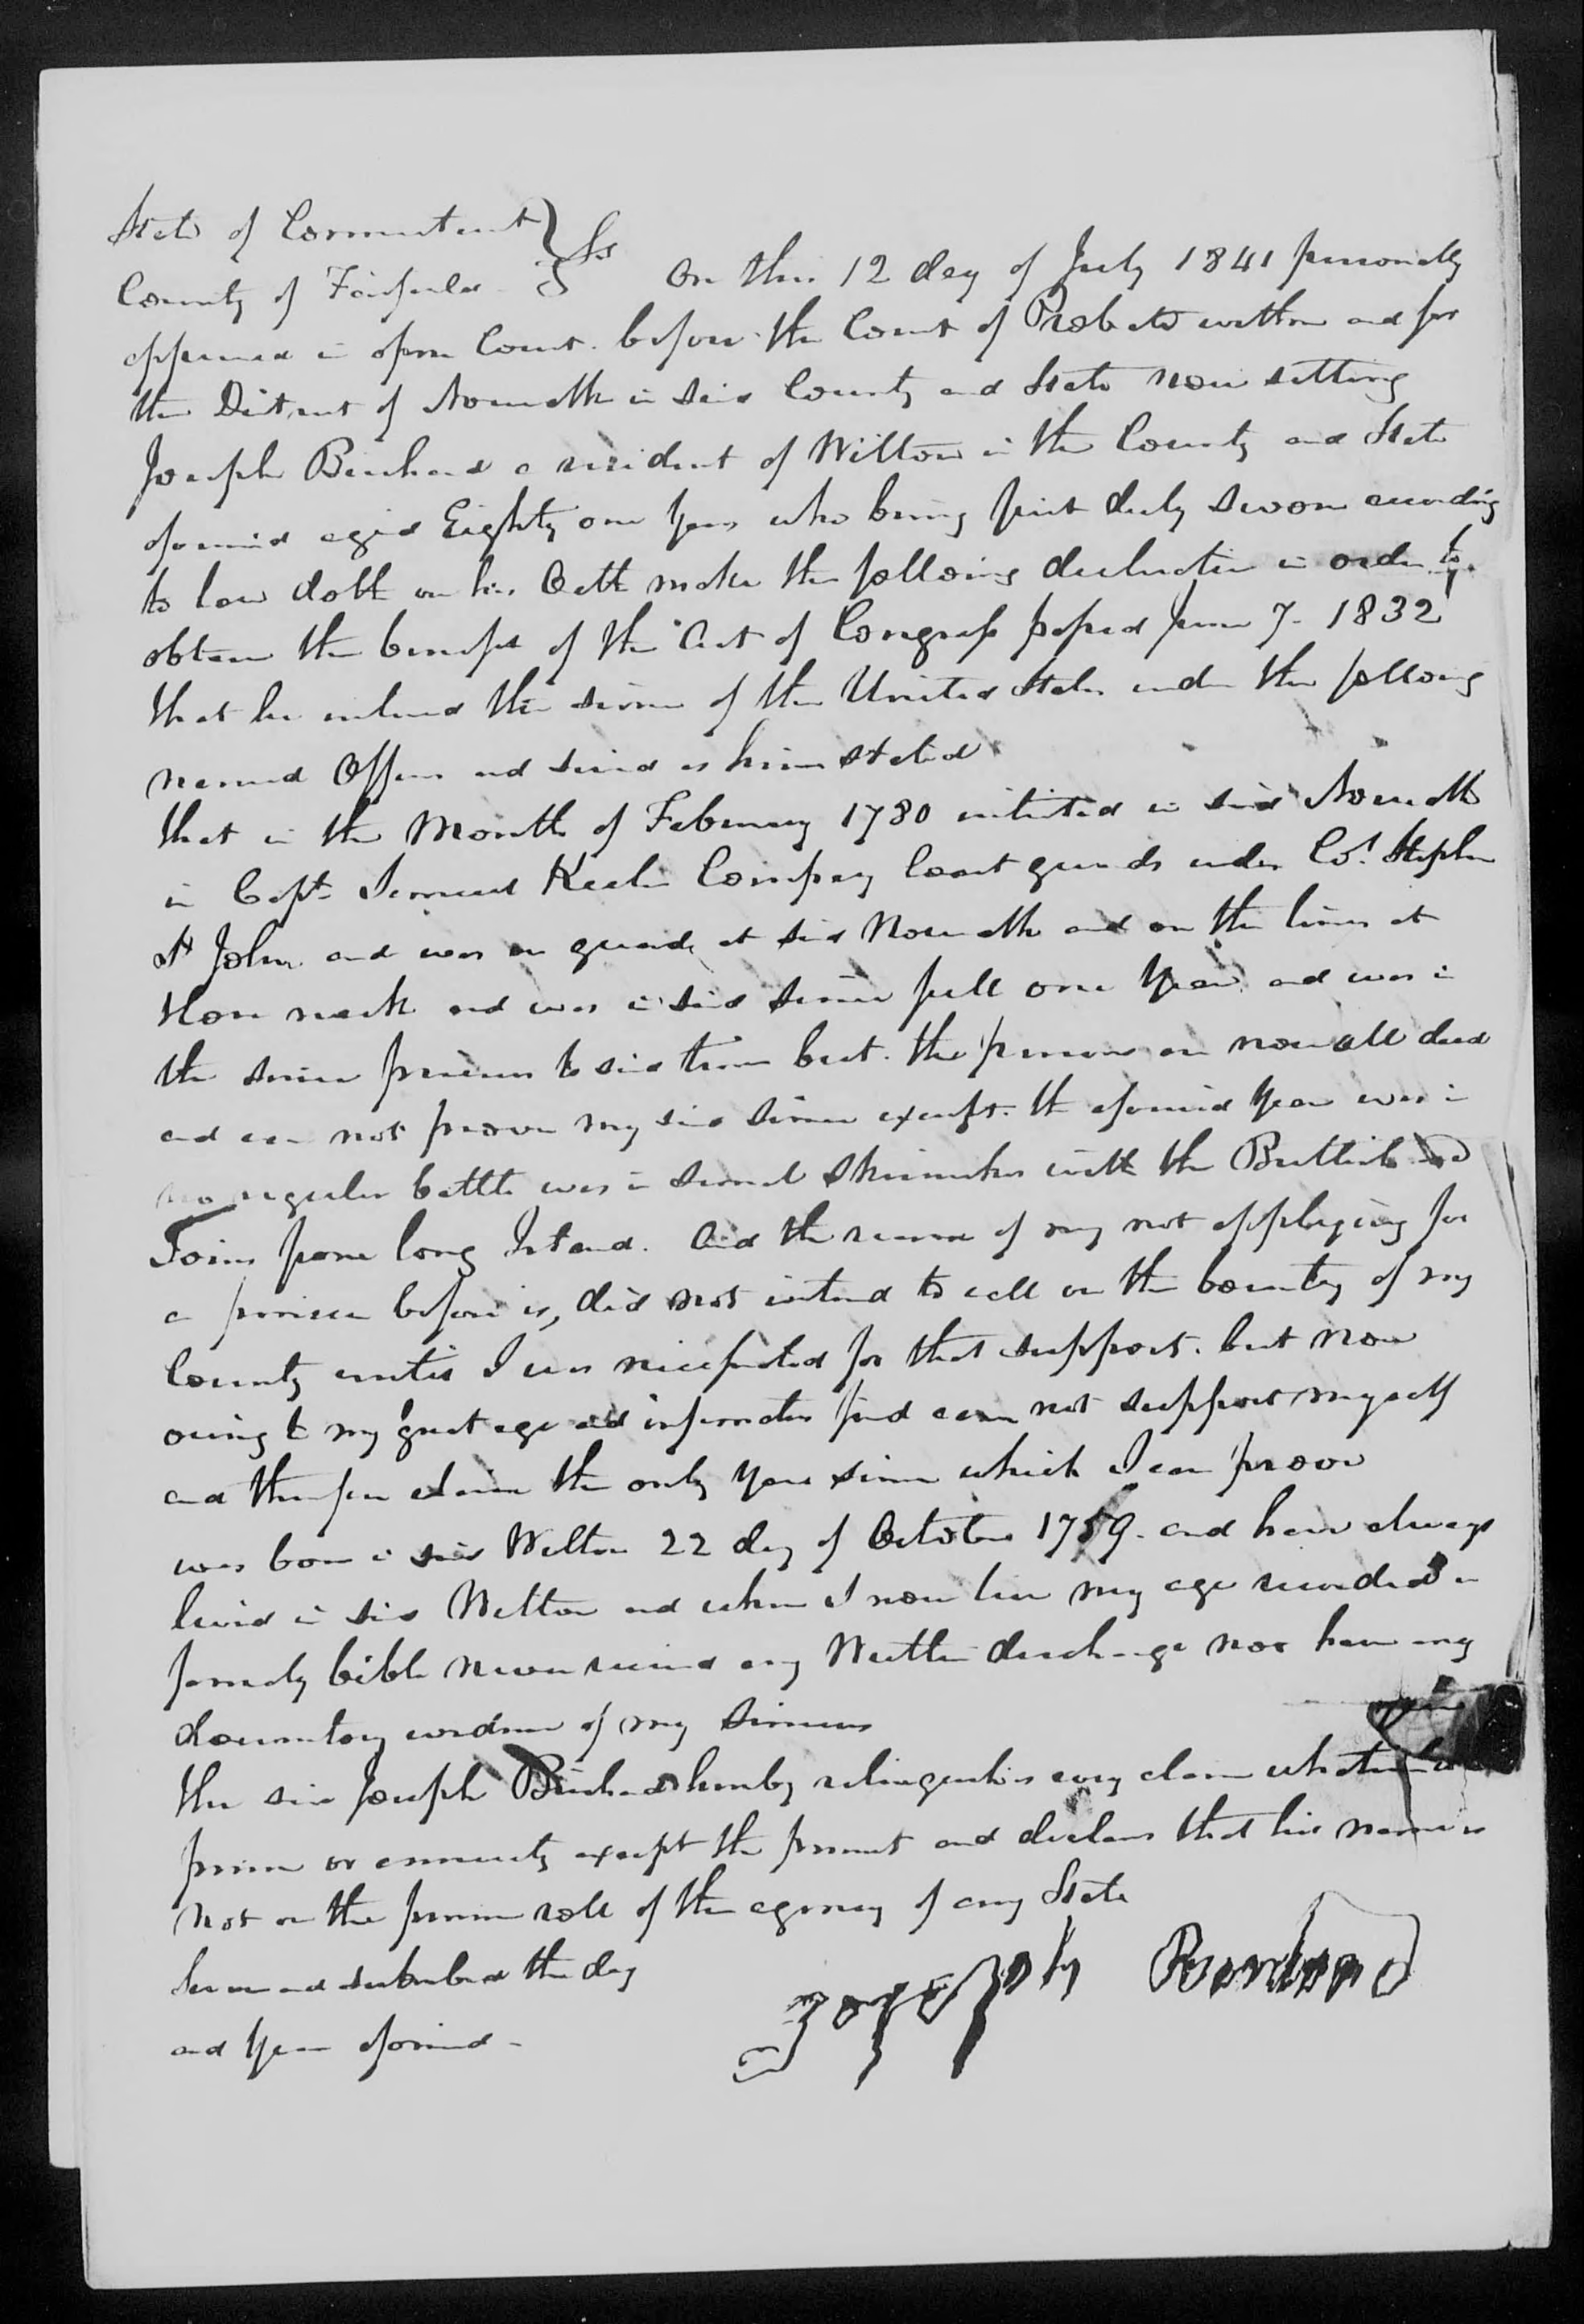State of Connecticut }
County of Fairfield     } Ss

On this 12 day of July 1841 personally appeared in open Court before the Court of Probate with and for the District of Norwalk in said County and State now sitting Joseph Burchard a resident of Wilton in the County and State aforesaid aged Eighty one years who being, first duly sworn according to law doth on his oath make the following declaration in order to obtain the benefit of the Act of Congress passed June 7, 1832 that he [illegible] his service of the United States and the following served Officers and said is him stated that in the Month of February 1780 enlisted in said [illegible] in Capt. Samuel Keels Company Coast  guards under Col. Stephen St. John and was on guard at said [illegible] and on the lines at Norwalk and was said service full one year and was in the service [illegible] to said time but the persons are now all dead and can not prove my time serve except the aforesaid year was in no singular battle was in second [skirmish maybe] with the British Tories [illegible] long Island. Did the service of my not of July in for a person before is, did best intend to call on the bounty of my county units I was [illegible] for that support, but now owing to my great age and infirmity and can not support myself and therefore declare the only year since which I can know was born in said Wilton 22 day of October 1759 and have always lived in this Wilton and when I now live my age recorded in family bible never received any written discharge nor have my documentary orders of my services. 
The said Jospeh Birchard hereby relinquishes every claim whatever for pension or annuity except the present and declare that his name is not on the pension role of the agency of any state
Joseph Bichard

Sworn and subscribed this day and year aforesaid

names: Stephen St John, Joseph Birchard, Joseph Birchard, Joseph Birchard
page: 3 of 18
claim: rejected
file: R. 844, Joseph Birchard, Conn.